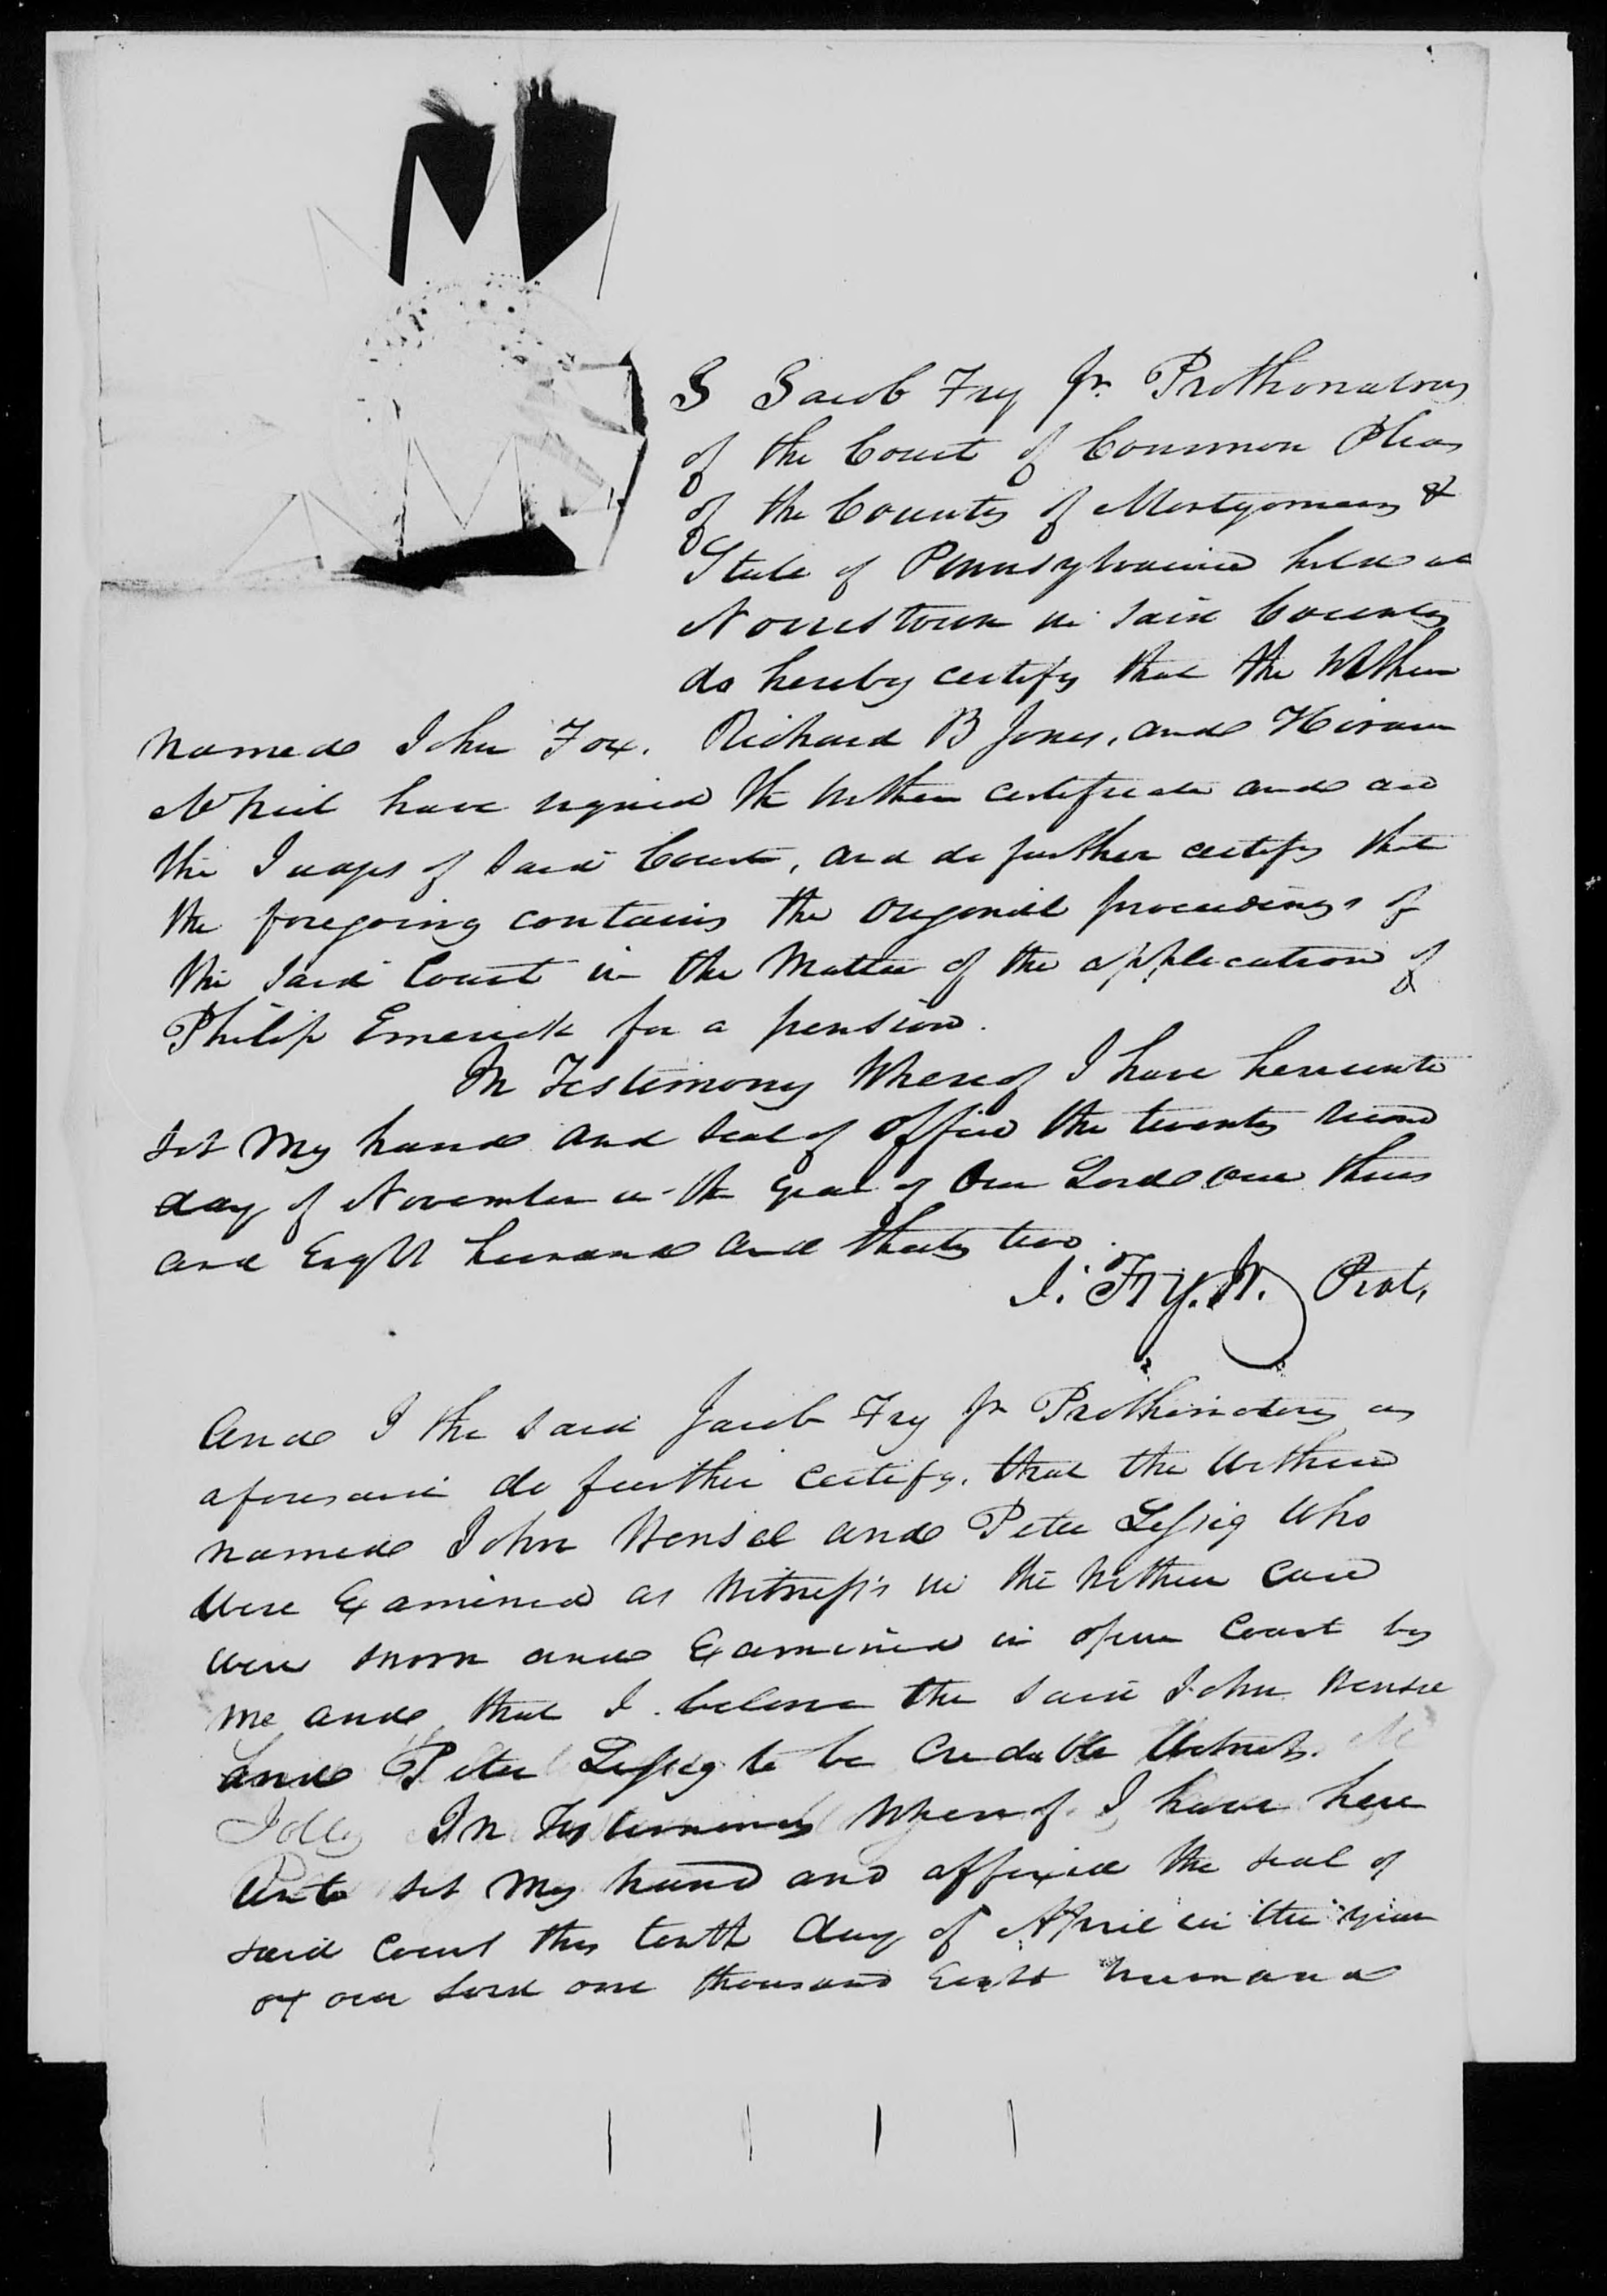[seal]
I Jacob Fry Jr. Prothonotary 
of the Court of Common Pleas
of the County of Montgomery &
State of Pennsylvania held at
Norristown in said County
do hereby certify that the within
named John Fox, Richard B Jones, and Hiram
McNeill have signed the within certificate and and the Judges of said Court, and do further certify that the foregoing contains the original proceeding of the said Court in the matter of the application of Philip Emerick for a pension.
In Testimony Whereof I have hereunto
set my hand and seal of office the twenty second day of November in the year of our Lord thousand and Eight hundred and thirty two
J. Fry Jr. Prot.
And I the said Jacob Fry Jr Prothonotary as
aforesaid do further certify that the within
named John Wensel and Peter Lysig who
were examined as Witness's[sic] in the within case were sworn and Examined in open Court by me and that I believe the said John Wensel
and Peter Lysig to be credible witnesses.
In Testimony whereof I have here
unto set my hand and affixed the seal of
said Court this tenth day of April in the year
of our Lord one thousand Eight hundred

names: John Fox, Jacob Fry, John Wensel, Peter Lessig, Peter Lessig, Jacob Fry, J Fry, Philip Emerick, Richard B Jones, John Wensel, Hiram Mc Neil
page: 13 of 29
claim: survivor's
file: S. 23618, Philip Emerick, Penn.